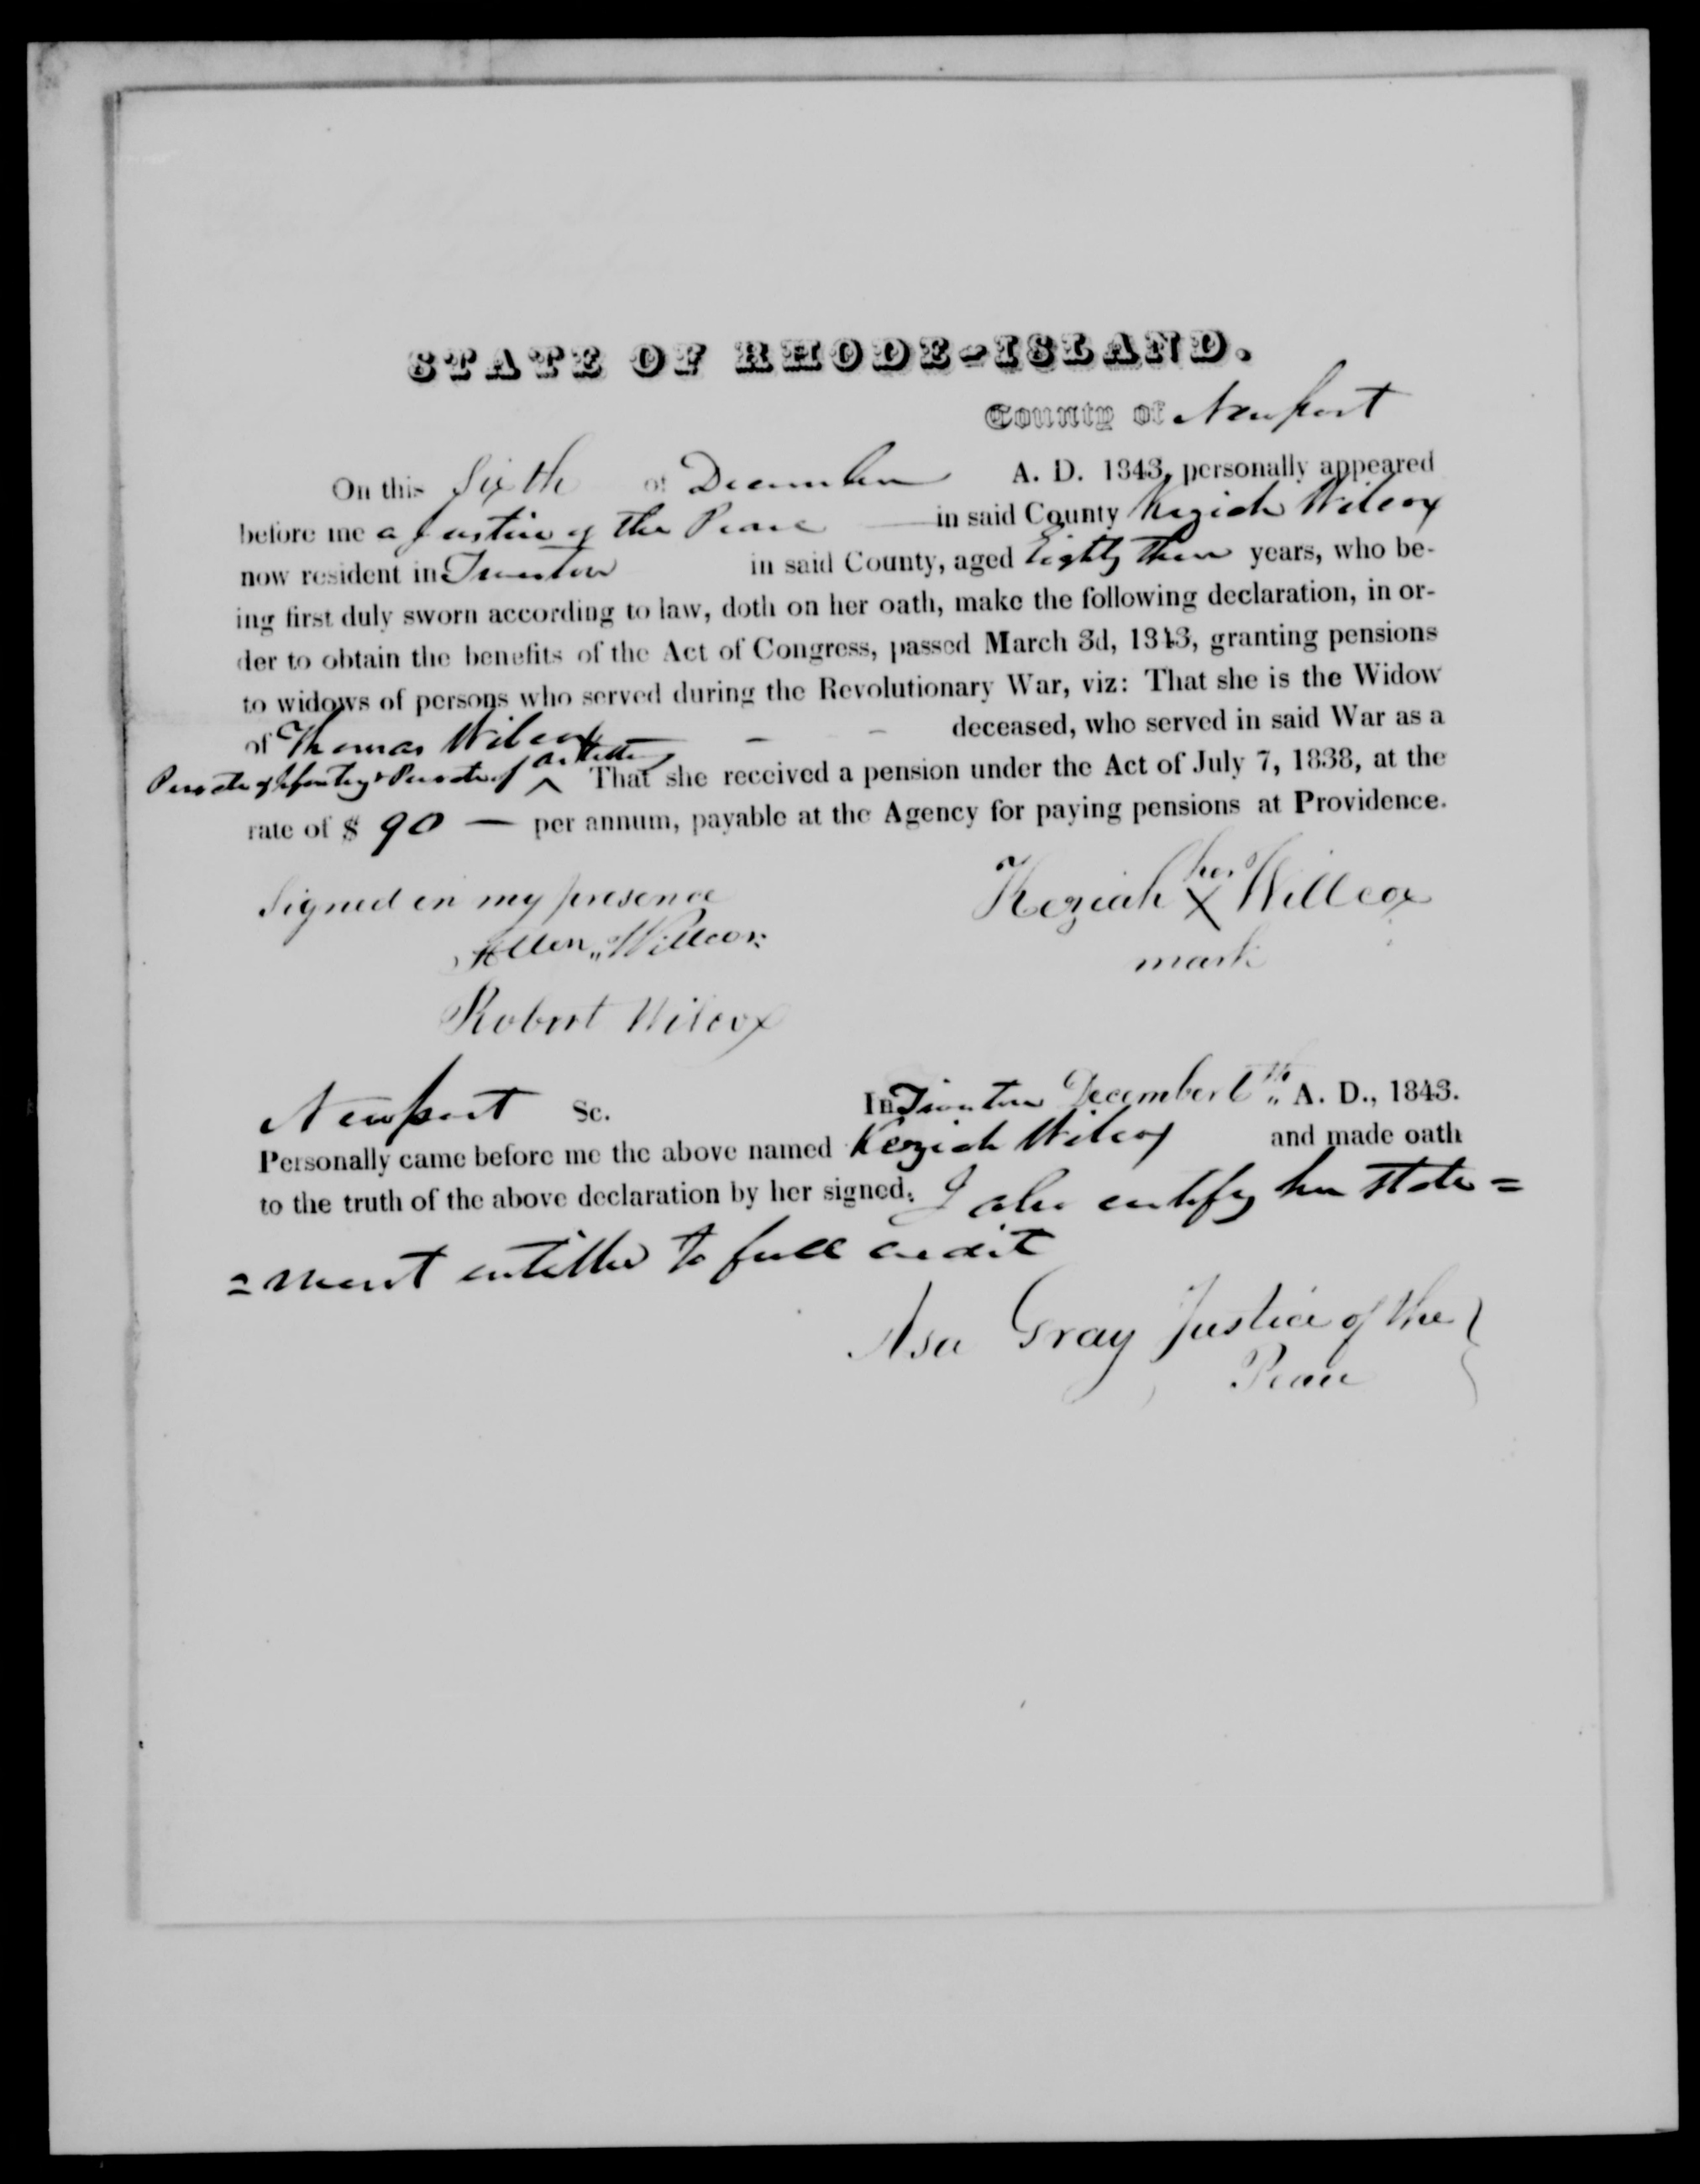STATE OF RHODE ISLAND.
County of Newport
On this Sixth of December A. D. 1843, personally appeared
before me a Justice of the Peace in said County Keziah Wilcox
now resident in Tiverton
in said County, aged Eighty three years, who being
first duly sworn according to law, doth on her oath, make the following declaration, in order
to obtain the benefits of the Act of Congress, passed March 3d, 1843, granting pensions
to widows of persons who served during the Revolutionary War, viz: That she is the Widow
of Thomas Wilcox- deceased, who served in said War as a [illegible]
That she received a pension under the Act of July 7, 1838, at the
rate of $90- per annum, payable at the Agency for paying pensions at Providence.

Signed in my presence

Keziah  Willcox
her mark X
Hellen Willcox
Robert Wilcox
Newport Sc.
In Tiverton December 6th A.D. 1843.
Personally came before me the above named Keziah Wilcox
and made oath
to the truth of the above declaration by her signed, I also certify her statement entitled to full credit
Asa Gray Justice of the
Peace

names: Robert Wilcox, Allen Willcox, Keziah Wilcox, Thomas Wilcox, Keziah Willcox, Asa Gray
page: 26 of 39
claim: widow's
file: W. 26046, Thomas Willcox, R.I.